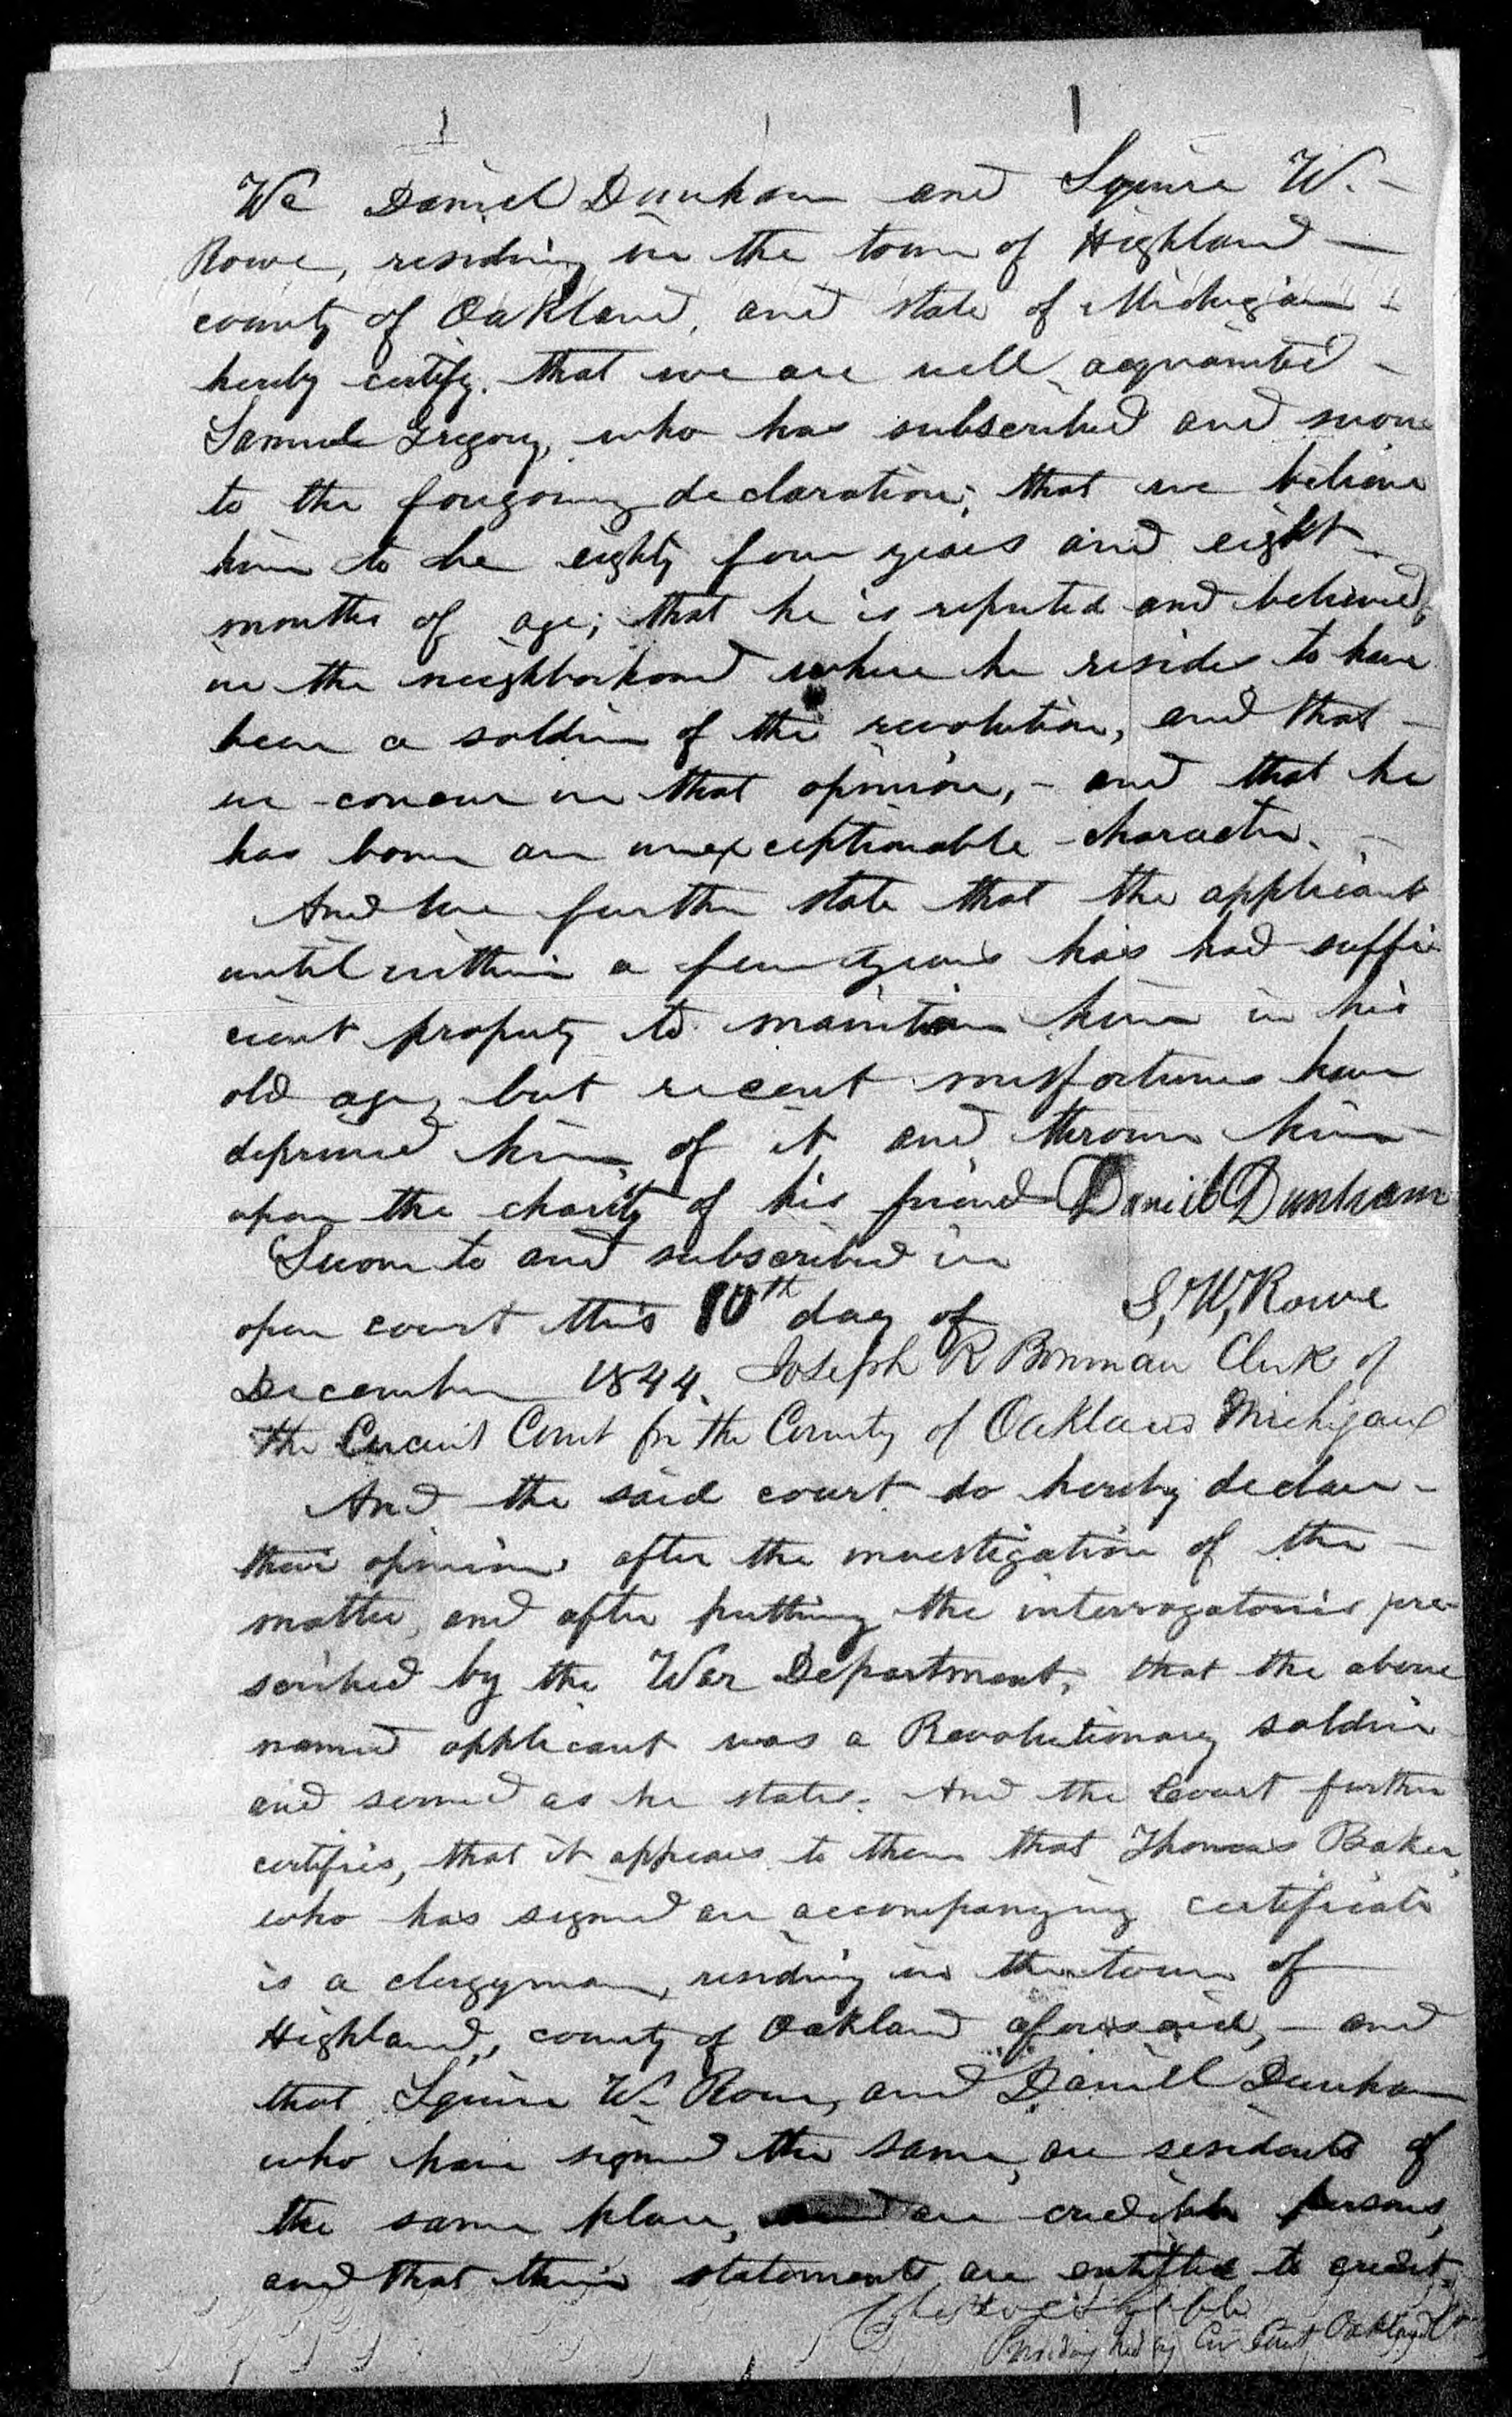We Daniel Dunham and Squire W Rowe residing in the town of Highland county of Oakland and State of Michigan do hereby certify that we are well acquainted with Samuel Gregory who has subscribed and sworn to the foregoing declaration; that we believe him to be eighty four years and eight months of age; that he is reputed and known in the neighborhood where he is resides to have been a soldier of the revolution, and that we concur in that opinion, and that he has been of exceptional character.  And we further note that the applicant until within a few years has had sufficient property to maintain him in his old age, but recent misfortunes have deprived him of it and thrown him upon the charity of his friends. 

[signed]  S W Rowe

Sworn to and subscribed in open court this 10th day of December 1844.
Joseph R. Bowman the Circuit Court of the County of Oakland.

And the said court do hereby declare their opinion after the investigation of the matter and after putting the interrogatories prescribed by the War Department. That the above named applicant was a Revolutionary soldier and served as he states. And the court further certifies, that it appears to them that Thomas Baker who has signed an accompanying certificate is a clergyman residing in the town of Highland, County of Oakland aforesaid, and that Squire W. Rowe, and Daniel Dunham who have signed the same are residents of the same place, credible persons and that their statement s are entitled to credit.

[illegible] Gibb
Presiding Judge by Cir court Oakland Co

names: Daniel Dunham, Squire W Rowe, Daniel Dunham, Squire W Rowe, Joseph R Bowman, S W Rowe, Samuel Gregory, Daniel Dunham, Thomas Baker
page: 7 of 66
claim: rejected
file: R. 4298, Samuel Gregory, New York